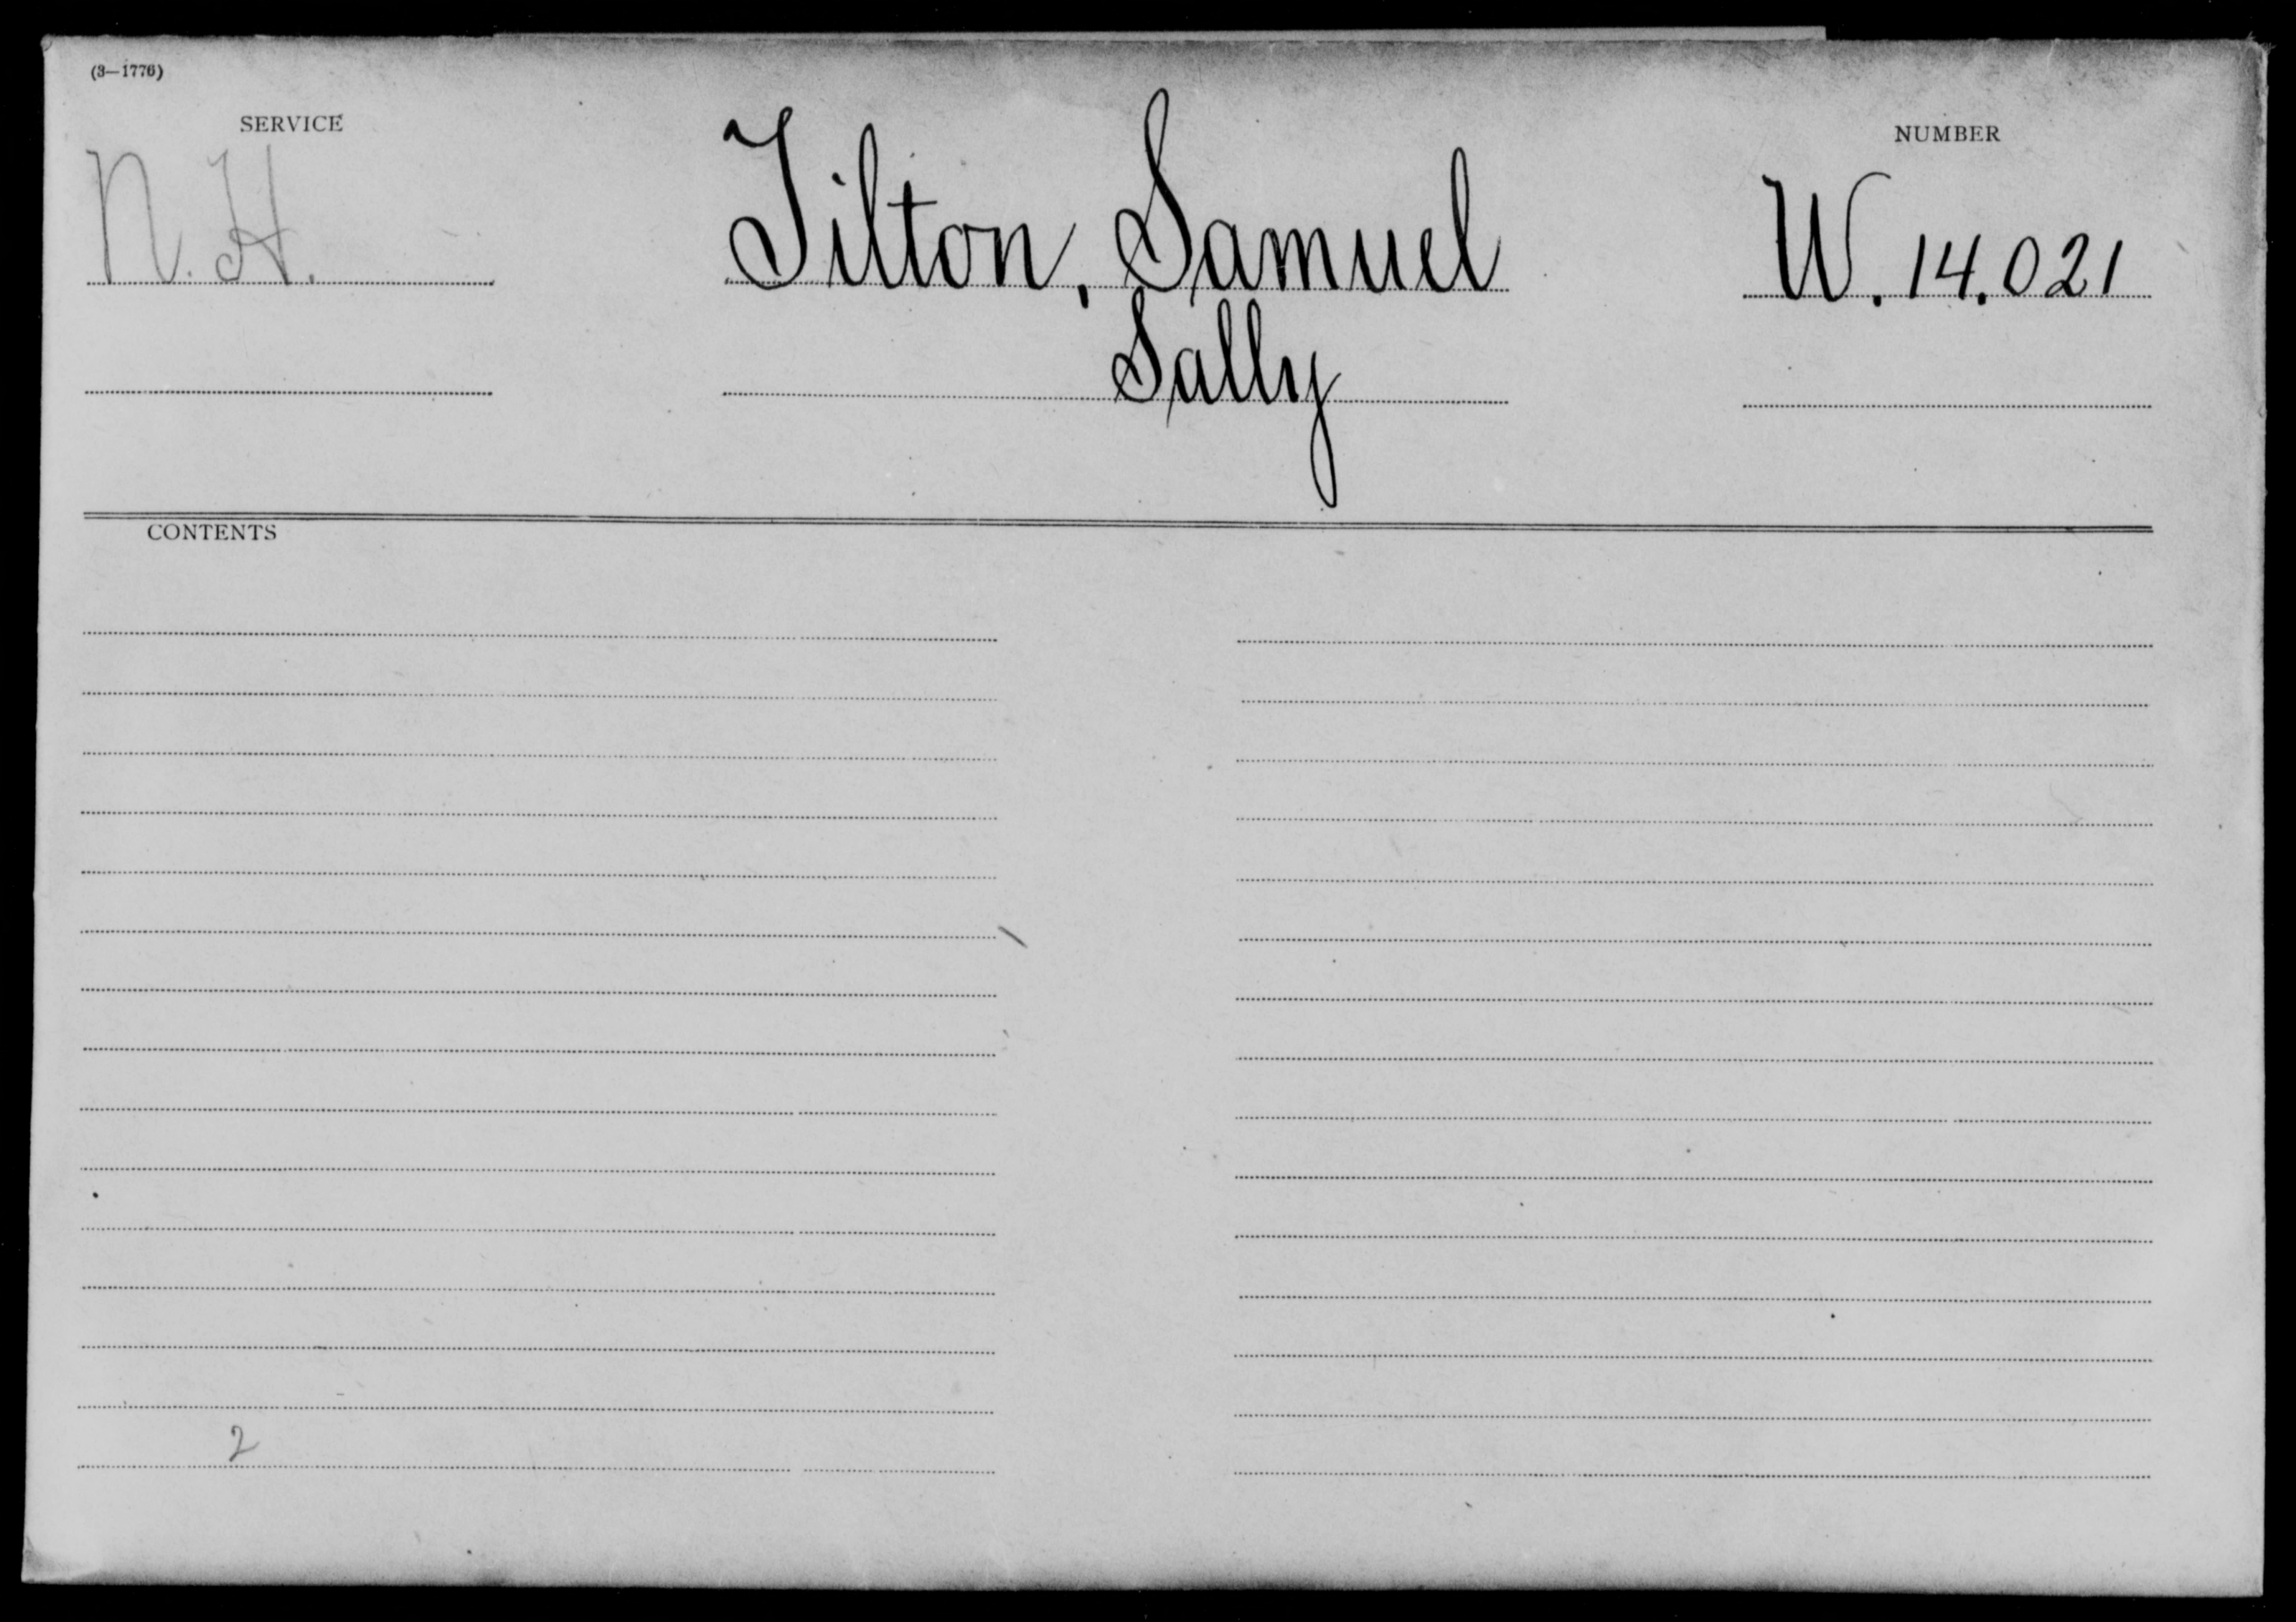N.H.
Tilton, Samuel W.14.021
Sally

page: 1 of 55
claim: widow's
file: W. 14,021, for Samuel Tilton, New Hampshire